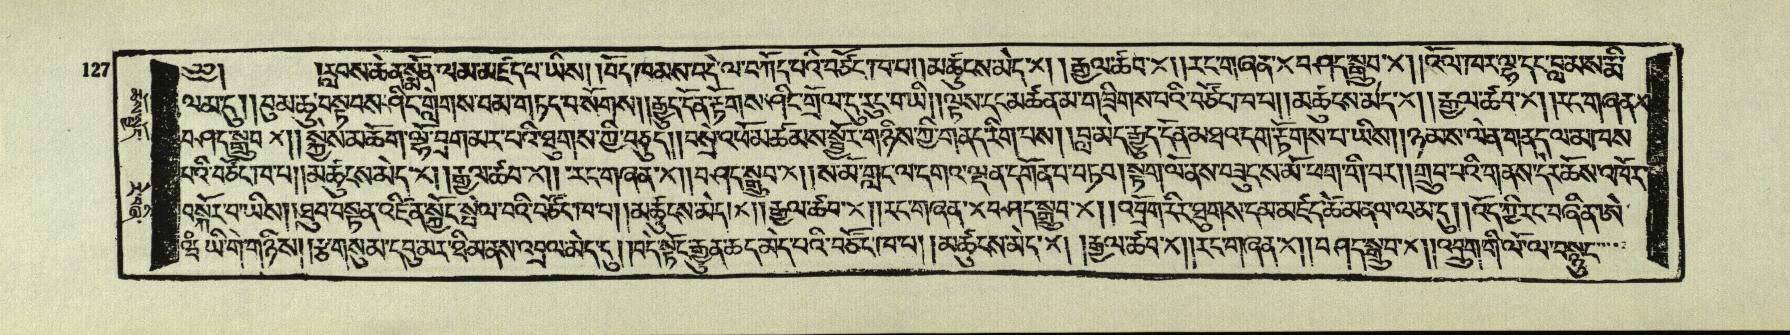༄༅། །རླབས་ཆེན་སྨོན་ལམ་མཛད་པ་ཡིས། །བོད་ཁམས་བདེ་ལ་བཀོད་པའི་བཙོང་ཁ་པ། །མཚུངས་མེད་྾། །རྒྱལ་ཚབ་྾། །རང་གཞན་྾། །བཤད་སྒྲུབ་྾། ། འོལ་ཁར་ལྷ་དང་བླ་མས་རྨི་
ལམ་དུ། །བུམ་ཆུ་བསྟབས་ཤིང་གླེགས་བམ་གཏད་པ་སོགས། །རྒྱུད་དོན་རྟོགས་ཤིང་གྲོལ་དུ་རུང་བ་ཡི། །ལྟས་དང་མཚན་མ་གཟིགས་པའི་བཙོང་ཁ་པ། །མཚུངས་མེད་྾། །རྒྱལ་ཚབ་྾། །རང་གཞན་྾་
བཤད་སྒྲུབ་྾། །སྐྱེས་མཆོག་ལྷོ་བྲག་མར་པའི་ཐུགས་ཀྱི་བཅུད། །བསྲེ་འཕོ་མཚམས་སྦྱོར་གཉིས་ཀྱི་གནད་རིག་པས། །བླ་མེད་རྒྱུད་དོན་མཐའ་དག་རྟོགས་པ་ཡིས། །ཉམས་ལེན་གནད་ལ་མཁས་
པའི་བཙོང་ཁ་པ། །མཚུངས་མེད་྾། །རྒྱལ་ཚབ་྾། །རང་གཞན་྾། །བཤད་སྒྲུབ་྾། །ས་མོ་གླང་ལ་དགའ་ལྡན་དགོན་པ་བཏབ། །སྟག་ལོ་ནས་བཟུང་ས་མོ་ཕག་གི་བར། །གྲུབ་པའི་གནས་དེར་ཆོས་འཁོར་
བསྐོར་བ་ཡིས། །ཐུབ་བསྟན་འཛིན་སྐྱོང་སྤེལ་བའི་བཙོང་ཁ་པ། །མཚུངས་མེད། ྾། །རྒྱལ་ཚབ་྾། །རང་གཞན་྾་བཤད་སྒྲུབ་྾། །འབྲོག་རིར་ཐུགས་དམ་མཛད་ཚེ་མནལ་ལམ་དུ། །འོད་ཀྱི་རང་བཞིན་ཨེ་
ཝཾ་ཡི་གེ་གཉིས། །རྩ་གསུམ་དབུ་མར་ཐིམ་ནས་འབྲེལ་མེད་དུ། །བདེ་སྟོང་རྒྱུན་ཆད་མེད་པའི་བཙོང་ཁ་པ། །མཚུངས་མེད་྾། །རྒྱལ་ཚབ་྾། །རང་གཞན་྾། །བཤད་སྒྲུབ་྾། །འབྲུག་གི་ལོ་ལ་བསྙུང་